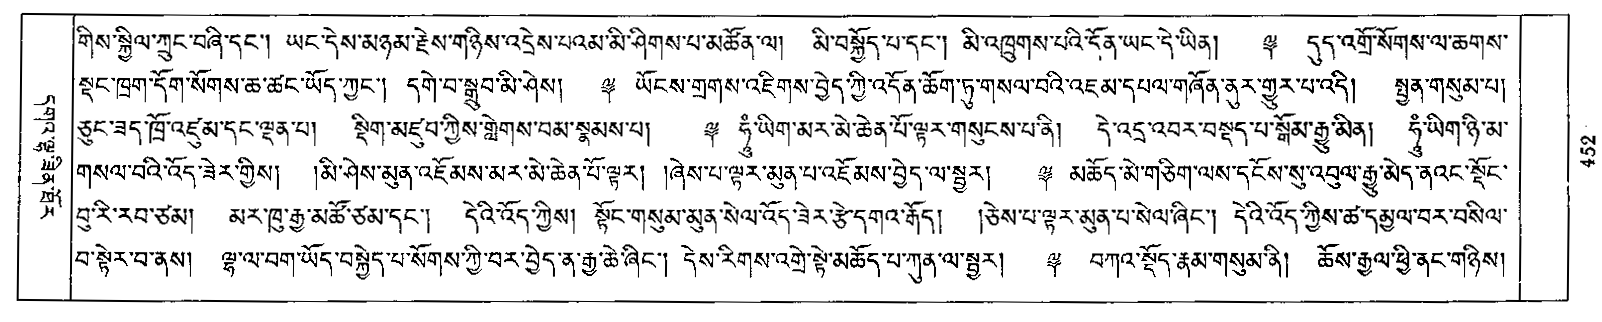གིས་སྐྱིལ་ཀྲུང་བཞི་དང་། ཡང་དེས་མཉམ་རྗེས་གཉིས་འདྲེས་པའམ་མི་ཤིགས་པ་མཚོན་ལ། མི་བསྐྱོད་པ་དང་། མི་འཁྲུགས་པའི་དོན་ཡང་དེ་ཡིན། ༈ དུད་འགྲོ་སོགས་ལ་ཆགས་
སྡང་ཁྲག་དོག་སོགས་ཆ་ཚང་ཡོད་ཀྱང་། དགེ་བ་སྒྲུབ་མི་ཤེས། ༈ ཡོངས་གྲགས་འཇིགས་བྱེད་ཀྱི་འདོན་ཆོག་ཏུ་གསལ་བའི་འཇམ་དཔལ་གཞོན་ནུར་གྱུར་པ་འདི། སྤྱན་གསུམ་པ།
ཅུང་ཟད་ཁྲོ་འཛུམ་དང་ལྡན་པ། སྡིག་མཛུབ་ཀྱིས་གླེགས་བམ་སྣམས་པ། ༈ ཧཱུཾ་ཡིག་མར་མེ་ཆེན་པོ་ལྟར་གསུངས་པ་ནི། དེ་འདྲ་འབར་བསྡད་པ་སྒོམ་རྒྱུ་མིན། ཧཱུཾ་ཡིག་ཉི་མ་
གསལ་བའི་འོད་ཟེར་གྱིས། །མི་ཤེས་མུན་འཇོམས་མར་མེ་ཆེན་པོ་ལྟར། །ཞེས་པ་ལྟར་མུན་པ་འཇོམས་བྱེད་ལ་སྦྱར། ༈ མཆོད་མེ་གཅིག་ལས་དངོས་སུ་འབུལ་རྒྱུ་མེད་ནའང་སྡོང་
བུ་རི་རབ་ཙམ། མར་ཁུ་རྒྱ་མཚོ་ཙམ་དང་། དེའི་འོད་ཀྱིས། སྟོང་གསུམ་མུན་སེལ་འདོ་ཟེར་རྩེ་དགའ་རྒོད། །ཅེས་པ་ལྟར་མུན་པ་སེལ་ཞིང་། དེའི་འོད་ཀྱིས་ཚ་དམྱལ་བར་བསིལ་
བ་སྟེར་བ་ནས། ལྷ་ལ་བག་ཡོད་བསྐྱེད་པ་སོགས་ཀྱི་བར་བྱེད་ན་རྒྱ་ཆེ་ཞིང་། དེས་རིགས་འགྲེ་སྟེ་མཆོད་པ་ཀུན་ལ་སྦྱར། ༈ བཀའ་སྡོད་རྣམས་གསུམ་ནི། ཆོས་རྒྱལ་ཕྱི་ནང་གཉིས།